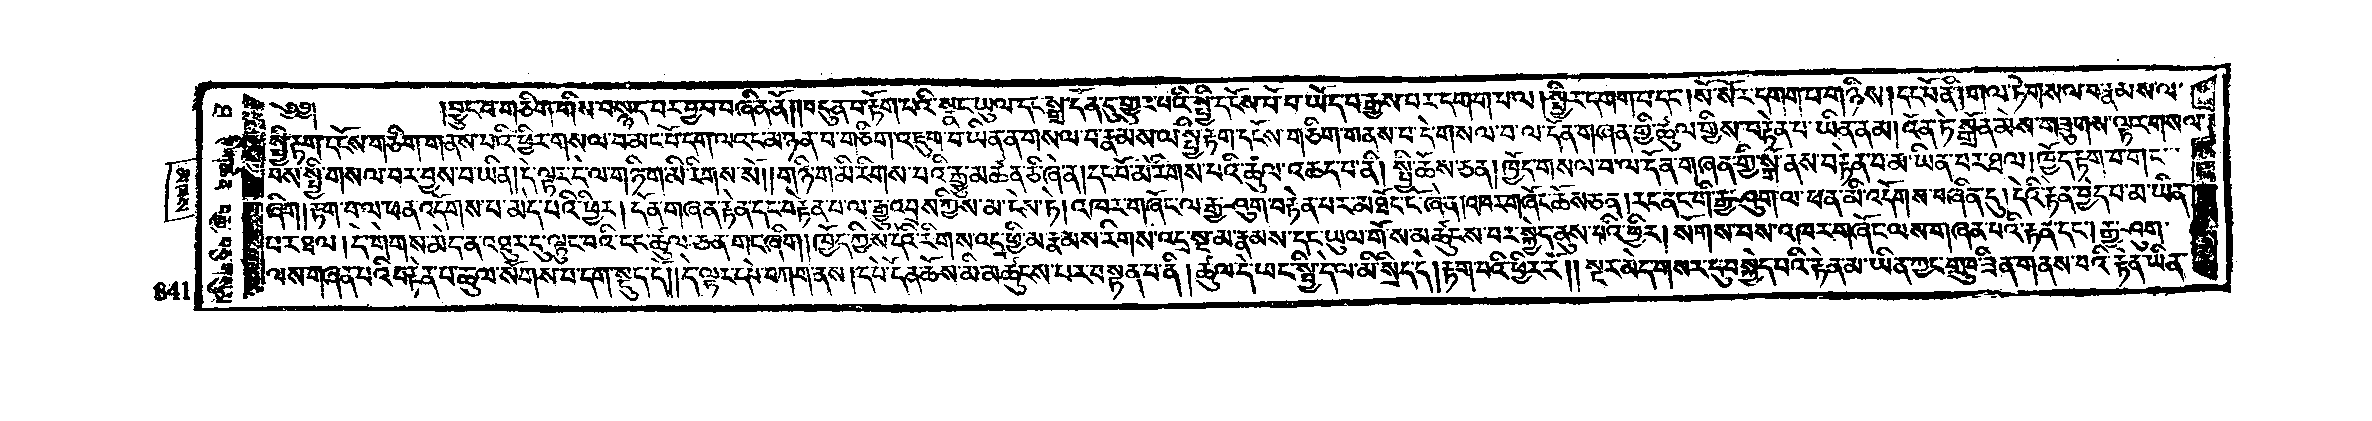༄༅། །བྱུང་བ་གཅིག་གིས་བསྙད་པར་བྱ་བ་བཞིན་ནོ། །བདུན་པ་རྟོག་པའི་སྣང་ཡུལ་དང་སྒྲ་དོན་དུ་གྱུར་པའི་སྤྱི་དངོས་པོ་བ་ཡོད་པ་རྒྱས་པར་དགག་པ་ལ། སྤྱིར་དགག་པ་དང་། སོ་སོར་དགག་པ་གཉིས། དང་པོ་ནི། གལ་ཏེ་གསལ་བ་རྣམས་ལ་
སྤྱི་རྟག་དངོས་གཅིག་གནས་པའི་ཕྱིར་གསལ་བ་མང་པོ་དག་ལའང་མཉན་པ་གཅིག་འཇུག་པ་ཡིན་ན་གསལ་བ་རྣམས་ལ་སྤྱི་རྟག་དངོས་གཅིག་གནས་པ་དེ་གསལ་བ་ལ་དོན་གཞན་གྱི་ཚུལ་གྱིས་བརྟེན་པ་ཡིན་ནམ། འོན་ཏེ་སྒྲོན་མེས་གཟུགས་ལྟར་གསལ་
བས་སྤྱི་གསལ་བར་བྱས་པ་ཡིན། དེ་ལྟར་དེ་ལ་གཉི་ག་མི་རིགས་སོ། །གཉི་ག་མི་རིགས་པའི་རྒྱུ་མཚན་ཅི་ཞེ་ན། དང་པོ་མི་རིགས་པའི་ཚུལ་འཆད་པ་ནི། སྤྱི་ཆོས་ཅན། ཁྱོད་གསལ་བ་ལ་དོན་གཞན་གྱི་སྒོ་ནས་བརྟེན་པ་མ་ཡིན་པར་ཐལ། ཁྱོད་རྟག་པ་གང་
ཞིག །རྟག་པ་ལ་ཕན་འདོགས་པ་མེད་པའི་ཕྱིར། དོན་གཞན་རྟེན་དང་བརྟེན་པ་ལ་རྒྱུ་འབྲས་ཀྱིས་མ་ངེས་ཏེ། འཁར་གཞོང་ལ་རྒྱ་ཤུག་བརྟེན་པར་མཐོང་ངོ་ཞེ་ན། འཁར་གཞོང་ཆོས་ཅན། རང་ནང་གི་རྒྱ་ཤུག་ལ་ཕན་མི་འདོགས་བཞིན་དུ། དེའི་རྟེན་བྱེད་པ་མ་ཡིན་
པར་ཐལ། དེ་གེགས་མེད་ན་འཐུར་དུ་ལྟུང་བའི་ངང་ཚུལ་ཅན་གང་ཞིག །ཁྱོད་ཀྱིས་དེའི་རིགས་འདྲ་ཕྱི་མ་རྣམས་རིགས་འདྲ་སྔ་མ་རྣམས་དང་ཡུལ་གོ་ས་མཚུངས་པར་སྐྱེད་ནུས་པའི་ཕྱིར། སོགས་པས་འཁར་གཞོང་ལས་གཞན་པའི་རྟན་དང་། རྒྱ་ཤུག་
ལས་གཞན་པའི་བརྟེན་པ་ཆུ་ལ་སོགས་པ་དག་སྡུད་དོ། །དེ་ལྟར་དཔེ་བཀག་ནས། དཔེ་དོན་ཆོས་མི་མཚུངས་པར་བསྟན་པ་ནི། ཚུལ་དེ་ཡང་སྤྱི་དེ་ལ་མི་སྲིད་དེ། རྟག་པའི་ཕྱིར་རོ། །སྔར་མེད་གསར་དུ་བསྐྱེད་པའི་རྟེན་མ་ཡིན་ཀྱང་གྲུབ་ཟིན་གནས་པའི་རྟེན་ཡིན་